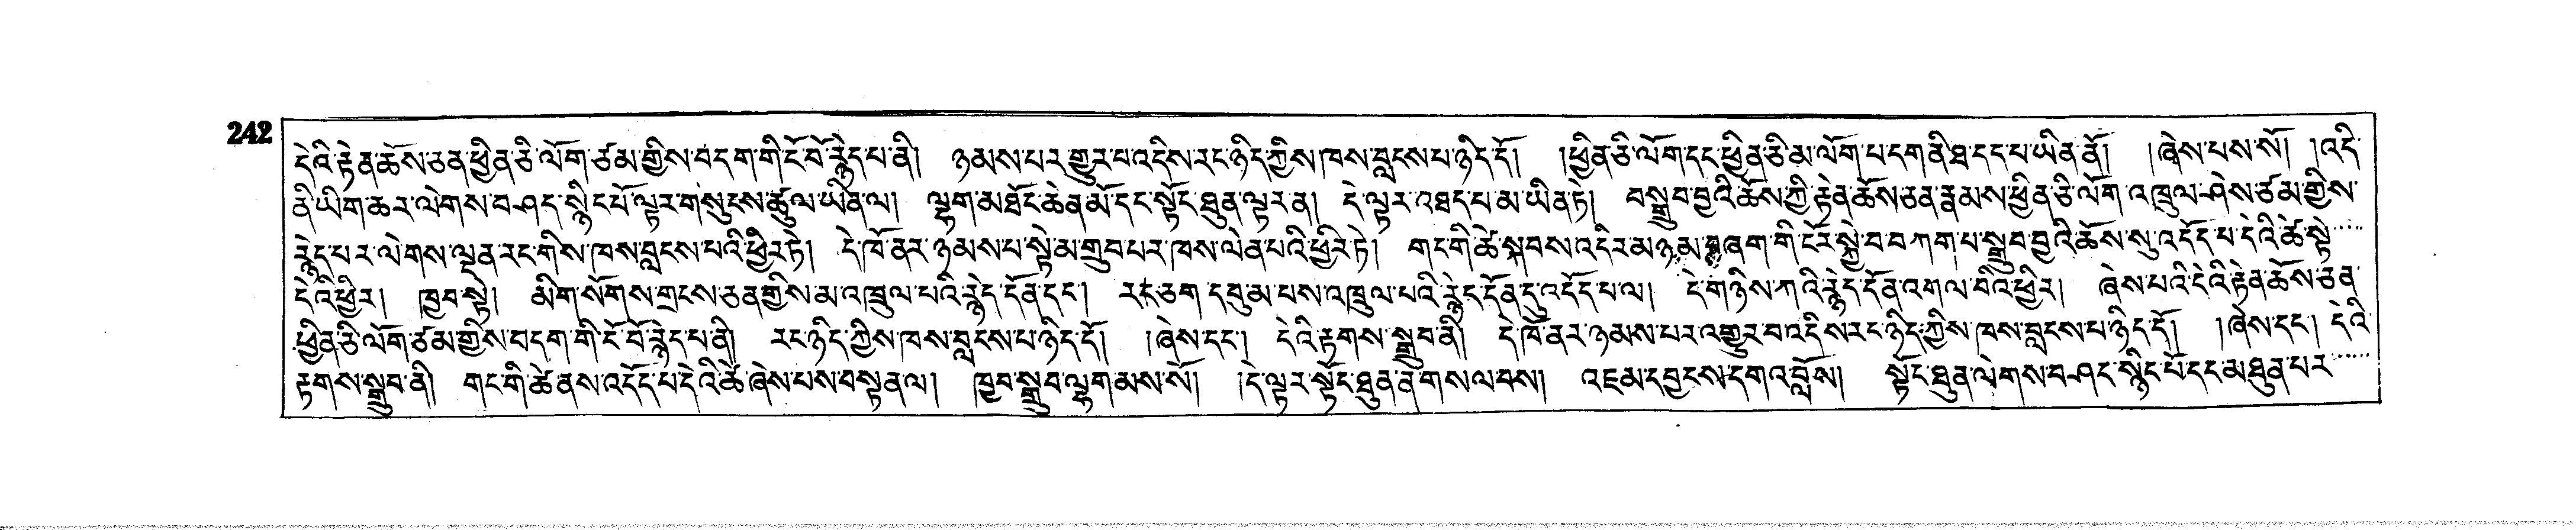དེའི་རྟེན་ཆོས་ཅན་ཕྱིན་ཅི་ལོག་ཙམ་གྱིས་བདག་གི་ངོ་བོ་རྙེད་པ་ནི། ཉམས་པར་གྱུར་པ་འདིས་རང་ཉིད་ཀྱིས་ཁས་བླངས་པ་ཉིད་དོ། །ཕྱིན་ཅི་ལོག་དང་ཕྱིན་ཅི་མ་ལོག་པ་དག་ནི་ཐ་དད་པ་ཡིན་ནོ། །ཞེས་པས་སོ། །འདི་
ནི་ཡིག་ཆར་ལེགས་བཤད་སྙིང་པོ་ལྟར་གསུངས་ཚུལ་ཡིན་ལ། ལྷག་མཐོང་ཆེན་མོ་དང་སྟོང་ཐུན་ལྟར་ན། དེ་ལྟར་འཐད་པ་མ་ཡིན་ཏེ། བསྒྲུབ་བྱའི་ཆོས་ཀྱི་རྟེན་ཆོས་ཅན་རྣམས་ཕྱིན་ཅི་ལོག་འཁྲུལ་ཤེས་ཙམ་གྱིས་
རྙེད་པར་ལེགས་ལྡན་རང་གིས་ཁས་བླངས་པའི་ཕྱིར་ཏེ། དེ་ཁོ་ནར་ཉམས་པ་སྟེ་མ་གྲུབ་པར་ཁས་ལེན་པའི་ཕྱིར་ཏེ། གང་གི་ཚེ་སྐབས་འདིར་མཉམ་བཞག་གི་ངོར་སྐྱེ་བ་བཀག་པ་སྒྲུབ་བྱའི་ཆོས་སུ་འདོད་པ་དེའི་ཚེ་སྟེ་
དེའི་ཕྱིར། ཁྱབ་སྟེ། མིག་སོགས་གྲངས་ཅན་གྱིས་མ་འཁྲུལ་པའི་རྙེད་དོན་དང་། རང་ཅག་དབུ་མ་པས་འཁྲུལ་པའི་རྙེད་དོན་དུ་འདོད་པ་ལ། དེ་གཉིས་ཀའི་རྙེད་དོན་འགལ་བའི་ཕྱིར། ཞེས་པའི་དེའི་རྟེན་ཆོས་ཅན་
ཕྱིན་ཅི་ལོག་ཙམ་གྱིས་བདག་གི་ངོ་བོ་རྙེད་པ་ནི། རང་ཉིད་ཀྱིས་ཁས་བླངས་པ་ཉིད་དོ། །ཞེས་དང་། དེའི་རྟགས་སྒྲུབ་ནི། དེ་ཁོ་ནར་ཉམས་པར་འགྱུར་བ་འདིས་རང་ཉིད་ཀྱིས་ཁས་བླངས་པ་ཉིད་དོ། །ཞེས་དང་། དེའི་
རྟགས་སྒྲུབ་ནི། གང་གི་ཚེ་ནས་འདོད་པ་དེའི་ཚེ་ཞེས་པས་བསྟན་ལ། ཁྱབ་སྒྲུབ་ལྷག་མས་སོ། །དེ་ལྟར་སྟོང་ཐུན་ན་གསལ་བས། འཇམ་དབྱངས་དགའ་བློས། སྟོང་ཐུན་ལེགས་བཤད་སྙིང་པོ་དང་མཐུན་པར་